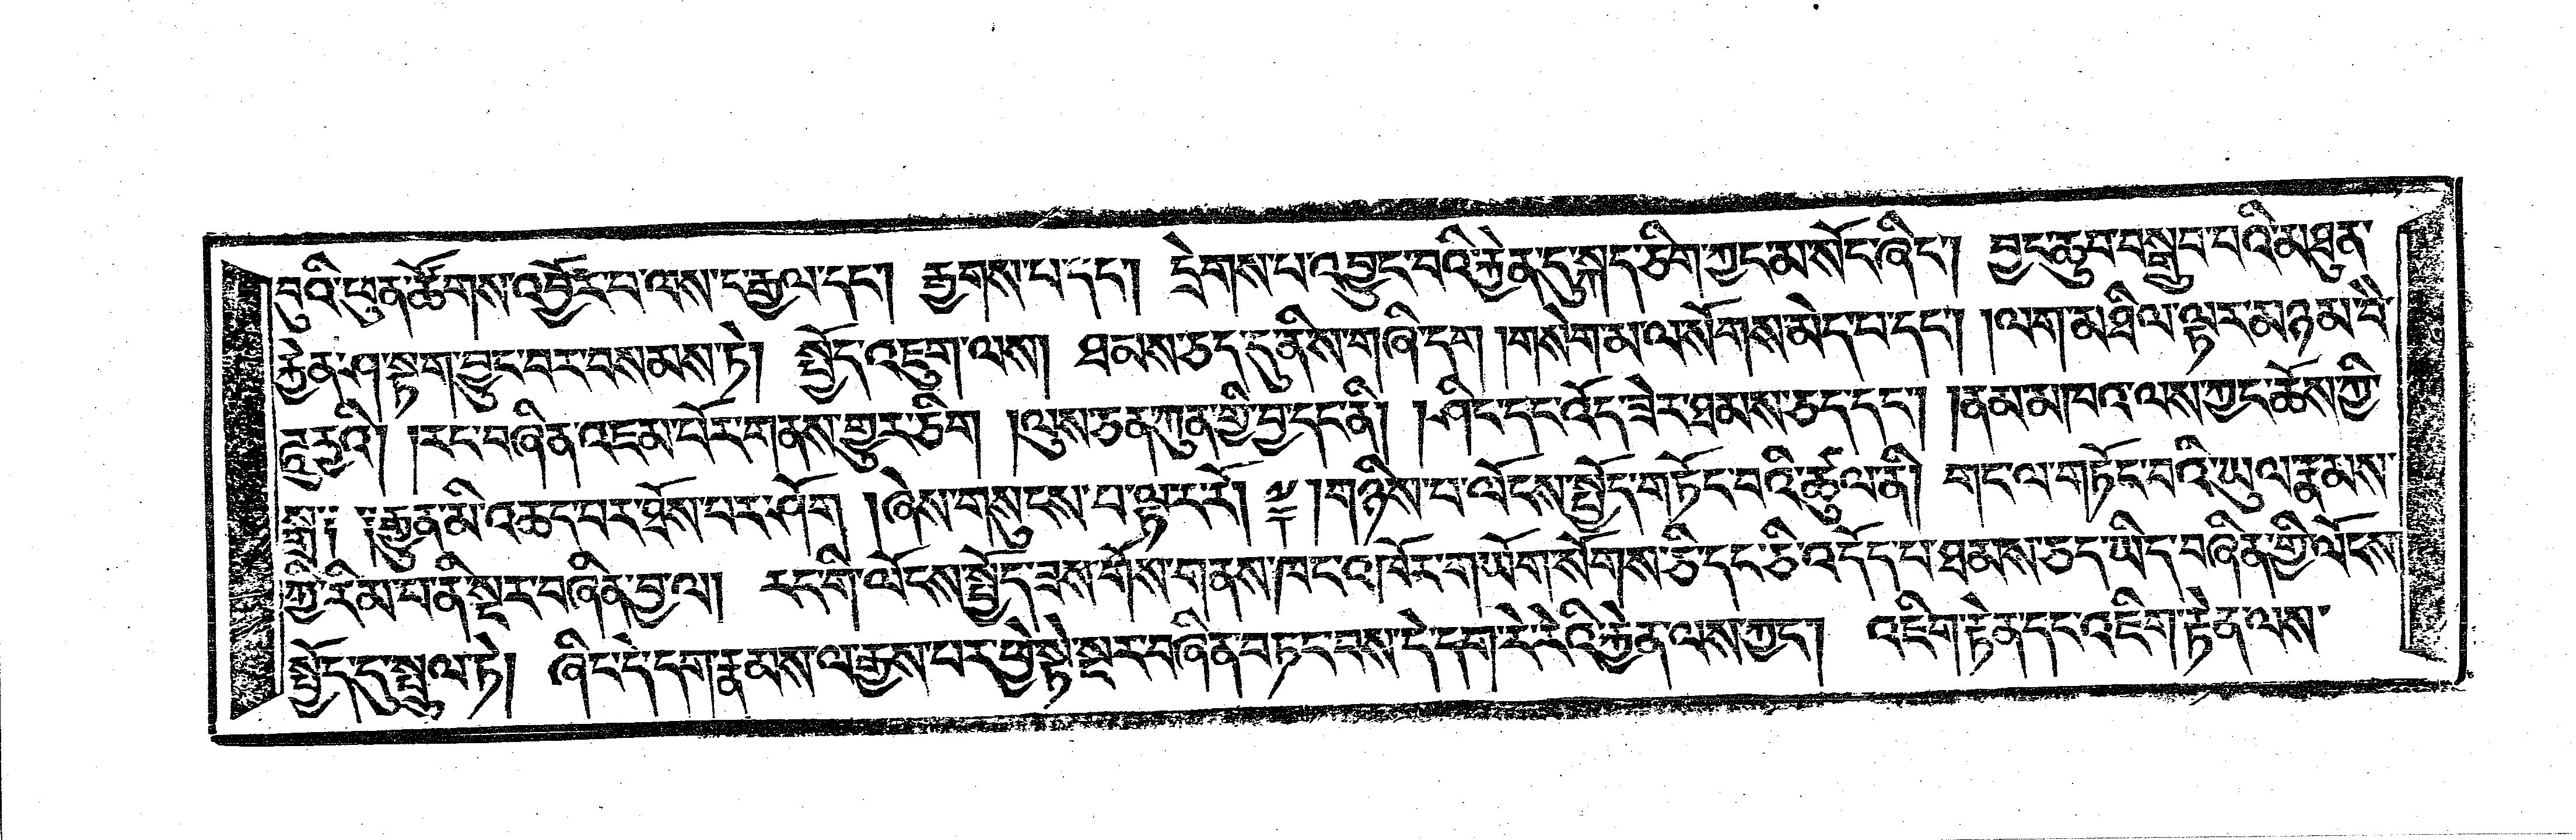བུའི་ཕུན་ཚོགས་འབྱོར་པ་ལས་ང་རྒྱལ་དང་། རྒྱགས་པ་དང་། དྲེགས་པ་འབྱུང་བའི་རྐྱེན་དུ་སྐད་ཅིག་ཀྱང་མ་སོང་ཞིང་། བྱང་ཆུབ་བསྒྲུབ་པའི་མཐུན་
རྐྱེན་ཤ་སྟག་བྱུང་བར་བསམས་ཏེ། སྤྱོད་འཇུག་ལས། ཐམས་ཅད་དུ་ནི་ས་གཞི་དག །གསེག་མ་ལ་སོགས་མེད་པ་དང་། །ལག་མཐིལ་ལྟར་མཉམ་བཻ་
ཌཱུརྱའི། །རང་བཞིན་འཇམ་པོར་གནས་གྱུར་ཅིག །ལུས་ཅན་ཀུན་གྱི་བྱ་དང་ནི། །ཤིང་དང་འོད་ཟེར་ཐམས་ཅད་དང་། །ནམ་མཁའ་ལས་ཀྱང་ཆོས་ཀྱི་
སྒྲ༑ ༑རྒྱུན་མི་འཆད་པར་ཐོས་པར་ཤོག །ཞེས་གསུངས་པ་ལྟར་རོ། ༈ །གཉིས་པ་ལོངས་སྤྱོད་གཏོང་བའི་ཚུལ་ནི། གང་ལ་གཏོང་བའི་ཡུལ་རྣམས་
ཀྱི་རིམ་པ་ནི་སྔར་བཞིན་བྱ་ལ། རང་གི་ལོངས་སྤྱོད་ཟས་གོས་གནས་ཁང་འཁོར་གཡོག་སོགས་ཅི་དང་ཅི་འདོད་པ་ཐམས་ཅད་ཡིད་བཞིན་གྱི་ལོངས་
སྤྱོད་དུ་སྤྲུལ་ཏེ། ཞིང་དེ་དག་རྣམས་ལ་རྒྱས་པར་ཕྱེ་སྟེ་སྔར་བཞིན་བཏང་བས་དེ་དག་རེ་རེའི་རྐྱེན་ལས་ཀྱང་། འཇིག་རྟེན་དང་འཇིག་རྟེན་ལས་